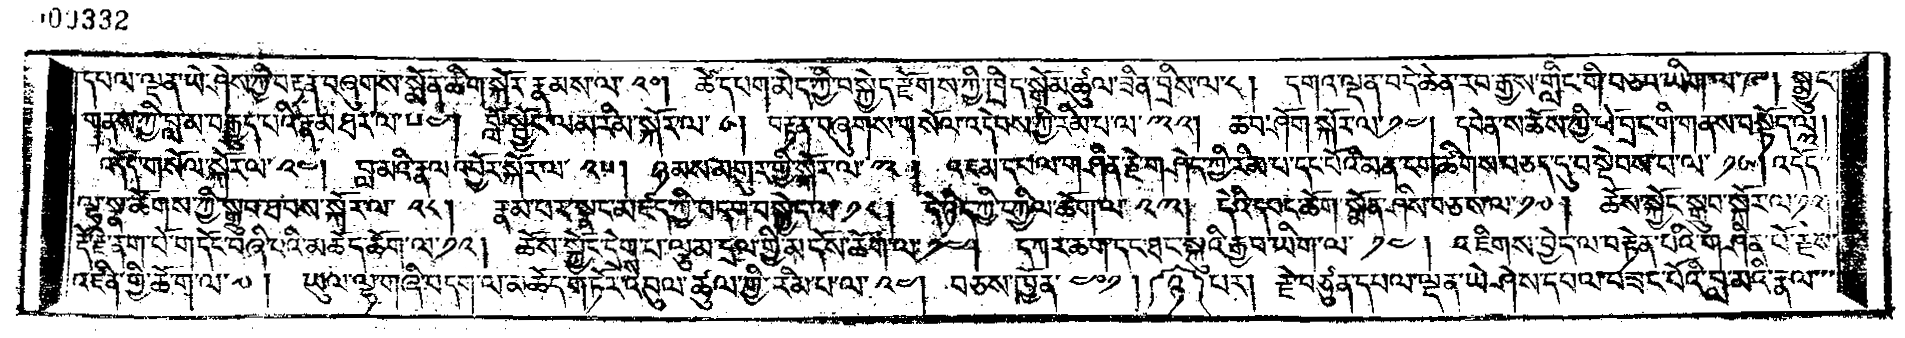དཔལ་ལྡན་ཡེ་ཤེས་ཀྱི་བརྟན་བཞུགས་སྨོན་ཚིག་སྐོར་རྣམས་ལ ༢༠། ཚེ་དཔག་མེད་ཀྱི་བསྐྱེད་རྫོགས་ཀྱི་ཁྲིད་སྒོམ་ཚུལ་ཟིན་བྲིས་ལ ༨། དགའ་ལྡན་བདེ་ཆེན་རབ་རྒྱས་གླིང་གི་བཅའ་ཡིག་ལ ༩། སྨྱུང་
གནས་ཀྱི་བླ་མ་བརྒྱུད་པའི་རྣམ་ཐར་ལ ༥༤། བློ་སྦྱོང་ལམ་རིམ་སྐོར་ལ ༦། བརྟན་བཞུགས་གསོལ་འདེབས་ཀྱི་རིམ་པ་ལ ༡༢༢། ཆབ་ཤོག་སྐོར་ལ ༡༤། དབེན་ས་ཆོས་ཀྱི་ཕོ་བྲང་གི་གནས་བསྟོད་ལ༡༢།
འདོད་གསོལ་སྐོར་ལ ༢༤། བླ་མའི་རྣལ་འབྱོར་སྐོར་ལ ༢༤། ཉམས་མགུར་གྱི་སྐོར་ལ ༡༢། འཇམ་དཔལ་གཤིན་རྗེ་གཤེད་ཀྱི་རིམ་པ་དང་པོའི་མན་ངག་ཚིགས་བཅད་དུ་བསྡེབས་པ་ལ ༡༦། འདོད་
ལྷ་སྣ་ཚོགས་ཀྱི་སྒྲུབ་ཐབས་སྐོར་ལ ༢༨། རྣམ་པར་སྣང་མཛད་ཀྱི་བདག་བསྐྱེད་ལ ༡༨། དེ་ཉིད་ཀྱི་དཀྱིལ་ཆོག་ལ ༢༡༢། དེའི་དབང་ཆོག་སྨོན་ཤིས་བཅས་ལ ༡༧། ཆོས་སྐྱོང་སྒྲུབ་སྐོར་ལ ༡༢།
རྡོ་རྗེ་ནག་པོ་གདོང་བཞི་པའི་མཆོད་ཆོག་ལ ༡༢། ཆོས་སྐྱོང་དྲེགས་པ་ལྕམ་དྲལ་གྱི་མདོས་ཆོག་ལ ༡༤། དཀར་ཆག་དང་ཐར་སྐུའི་རྒྱབ་ཡིག་ལ ༡༤། འཇིགས་བྱེད་ལ་བརྟེན་པའི་གཤིན་པོ་རྗེས་
འཛིན་གྱི་ཆོ་ག་ལ ༧། ཡུལ་ལྷ་གཞི་བདག་ལ་མཆོད་གཏོར་འབུལ་ཚུལ་གྱི་རིམ་པ་ལ ༢༤། བཅས་ཁྱོན ༤༠༡། ༼ཉ༽ པར། རྗེ་བཙུན་དཔལ་ལྡན་ཡེ་ཤེས་དཔལ་བཟང་པོའི་བླ་མའི་རྣམ་